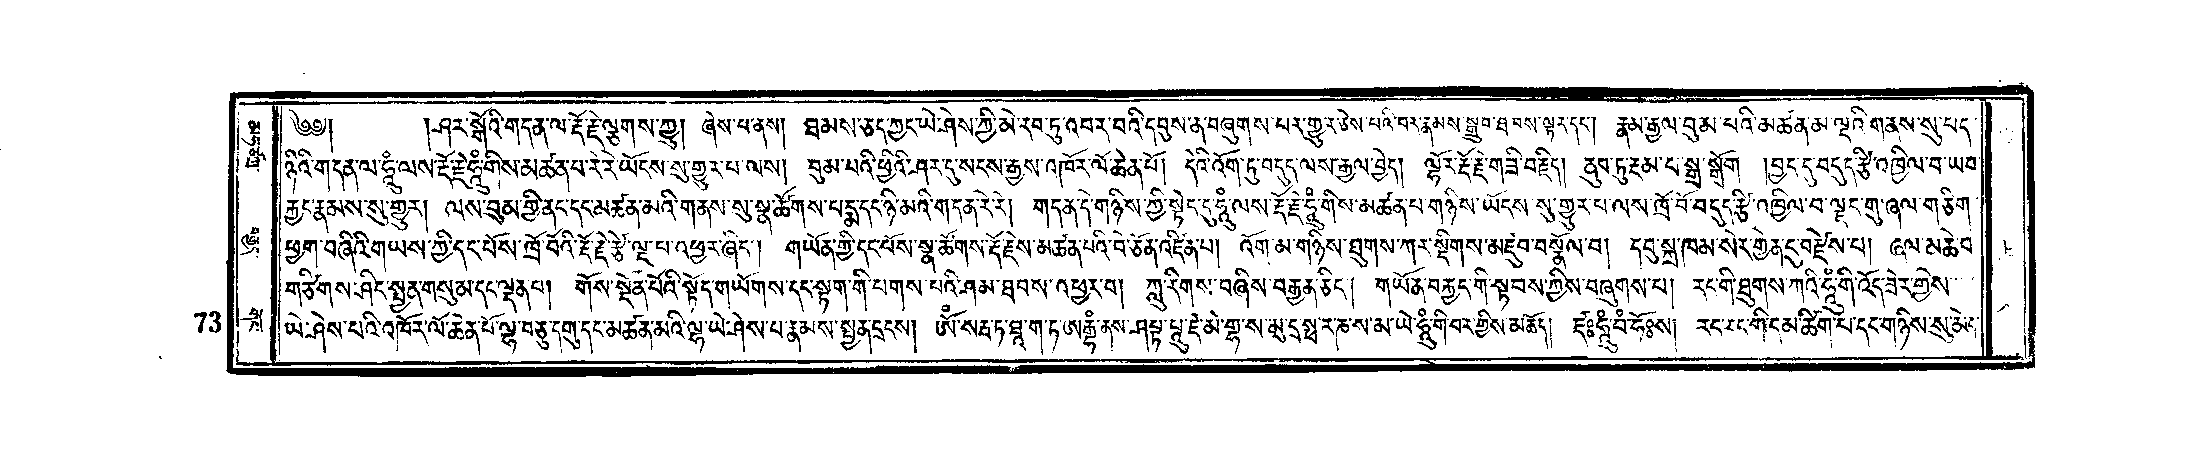༄༅། །ཤར་སྒོའི་གདན་ལ་རྡོ་རྗེ་ལྕགས་ཀྱུ། ཞེས་པ་ནས། ཐམས་ཅད་ཀྱང་ཡེ་ཤེས་ཀྱི་མེ་རབ་ཏུ་འབར་བའི་དབུས་ན་བཞུགས་པར་གྱུར་ཅེས་པའི་བར་རྣམས་སྒྲུབ་ཐབས་ལྟར་དང་། རྣམ་རྒྱལ་བུམ་པའི་མཚན་མ་ལྔའི་གནས་སུ་པད་
ཉིའི་གདན་ལ་ཧཱུཾ་ལས་རྡོ་རྗེ་ཧཱུཾ་གིས་མཚན་པ་རེ་རེ་ཡོངས་སུ་གྱུར་པ་ལས། བུམ་པའི་ཕྱིའི་ཤར་དུ་སངས་རྒྱས་འཁོར་ལོ་ཆེན་པོ། དེའི་འོག་ཏུ་བདུད་ལས་རྒྱལ་བྱེད། ལྷོར་རྡོ་རྗེ་གཟི་བརྗིད། ནུབ་ཏུ་རྔམ་པ་སྒྲ་སྒྲོག །བྱང་དུ་བདུད་རྩི་འཁྱིལ་བ་ཡབ་
རྐྱང་རྣམས་སུ་གྱུར། ལས་བུམ་གྱི་ནང་དང་མཚན་མའི་གནས་སུ་སྣ་ཚོགས་པདམ་དང་ཉི་མའི་གདན་རེ་རེ། གདན་དེ་གཉིས་ཀྱི་སྟེང་དུ་ཧཱུཾ་ལས་རྡོ་རྗེ་ཧཱུཾ་གིས་མཚན་པ་གཉིས་ཡོངས་སུ་གྱུར་པ་ལས་ཁྲོ་བོ་བདུད་རྩི་འཁྱིལ་བ་ལྗང་གུ་ཞལ་གཅིག་
ཕྱག་བཞིའི་གཡས་ཀྱི་དང་པོས་ཁྲོ་བོའི་རྡོ་རྗེ་རྩེ་ལྔ་པ་འཕྱར་ཞིང་། གཡོན་གྱི་དང་པོས་སྣ་ཚོགས་རྡོ་རྗེས་མཚན་པའི་བེ་ཅོན་འཛིན་པ། འོག་མ་གཉིས་ཐུགས་ཀར་སྡིགས་མཛུབ་བསྣོལ་བ། དབུ་སྐྲ་ཁམ་སེར་གྱེན་དུ་བརྫེས་པ། ཞལ་མཆེ་བ་
གཙིགས་ཤིང་སྤྱན་གསུམ་དང་ལྡན་པ། གོས་སྔོན་པོའི་སྟོད་གཡོགས་དང་སྟག་གི་པགས་པའི་ཤམ་ཐབས་འཕྱར་བ། ཀླུ་རིགས་བཞིས་བརྒྱན་ཅིང་། གཡོན་བརྐྱང་གི་སྟབས་ཀྱིས་བཞུགས་པ། རང་གི་ཐུགས་ཀའི་ཧཱུཾ་གི་འོད་ཟེར་གྱིས་
ཡེ་ཤེས་པའི་འཁོར་ལོ་ཆེན་པོ་ལྷ་བཅུ་དགུ་དང་མཚན་མའི་ལྷ་ཡེ་ཤེས་པ་རྣམས་སྤྱན་དྲངས། ཨོཾ་སརྦ་ཏ་ཐཱ་ག་ཏ་ཨརྒྷཾ་ནས་ཤཔྟ་པཱུ་ཛ་མེ་གྷ་ས་མུ་དྲ་སྥ་ར་ཎ་ས་མ་ཡེ་ཧཱུཾ་གི་བར་གྱིས་མཆོད། ཛཿ ཧཱུཾ་བཾ་ཧོཿ ས། རང་རང་གི་དམ་ཚིག་པ་དང་གཉིས་སུ་མེད་